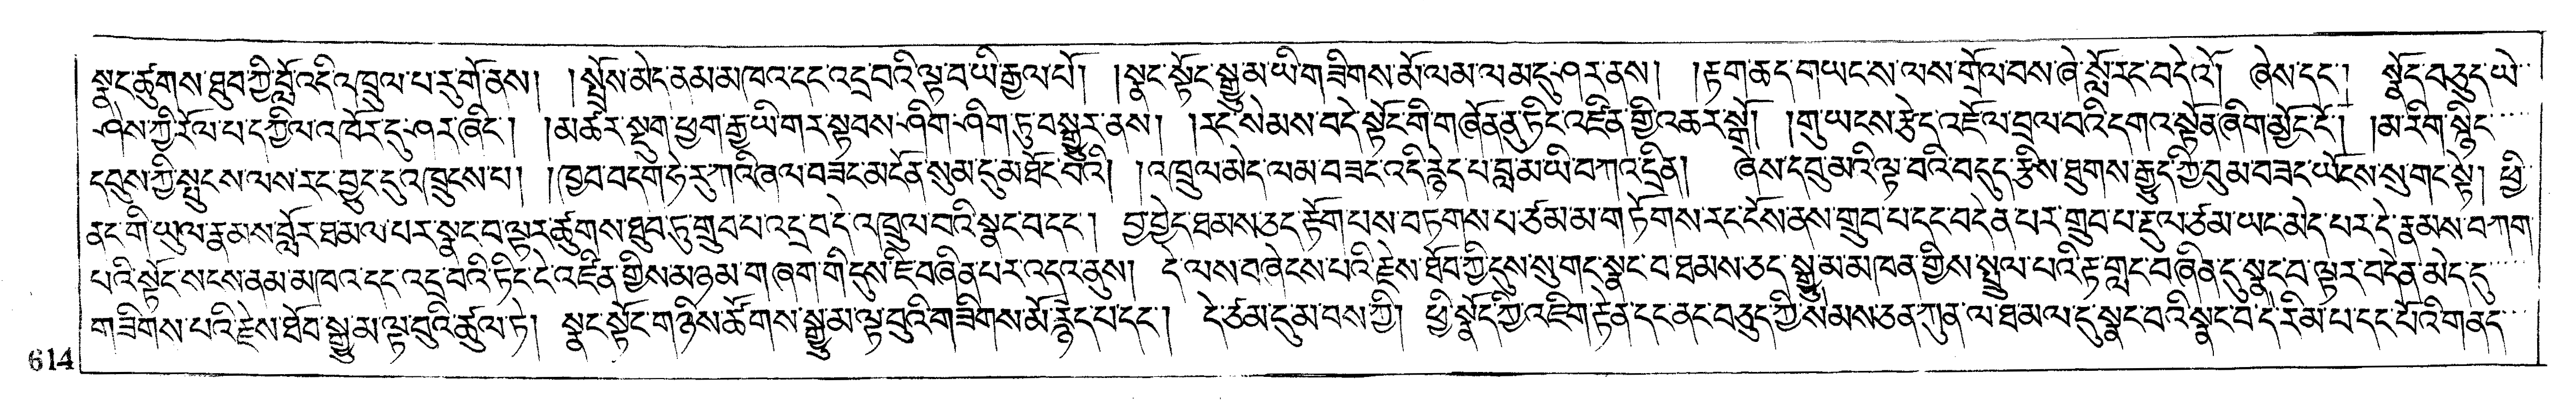སྣང་ཚུགས་ཐུབ་ཀྱི་བློ་འདི་འཁྲུལ་པ་རུ་གོ་ནས། །སྤྲོས་མེད་ནམ་མཁའ་དང་འདྲ་བའི་ལྟ་བ་ཡི་རྒྱལ་པོ། །སྣང་སྟོང་སྒྱུ་མ་ཡི་གཟིགས་མོ་ལམ་ལམ་དུ་ཤར་ནས། །རྟག་ཆད་གཡང་ས་ལས་གྲོལ་བས་ཞེ་བློ་རང་བདེའོ། ཞེས་དང་། སྣོད་བཅུད་ཡི་
ཤེས་ཀྱི་རོལ་པ་དཀྱིལ་འཁོར་དུ་ཤར་ཞིང་། །མཚར་སྡུག་ཕྱག་རྒྱ་ཡི་གར་སྟབས་ཤིག་ཤིག་ཏུ་བསྒྱུར་ནས། །རང་སེམས་བདེ་སྟོང་གི་གཞོན་ནུ་ཏིང་འཛིན་གྱི་འཆར་སྒོ། །གུ་ཡངས་རྩེད་འཇོ་ལ་བྲལ་བའི་དགའ་སྟོན་ཞིག་མྱོང་ངོ། །མ་རིག་སྙིང་
དབུས་ཀྱི་སྦུབས་ལས་རང་བྱུང་དུ་འཁྲུངས་པ། །ཁྱབ་བདག་ཧེ་རུ་ཀའི་ཞལ་བཟང་མངོན་སུམ་དུ་མཐོང་བའི། །འཁྲུལ་མེད་ལམ་བཟང་འདི་རྙེད་པ་བླ་མ་ཡི་བཀའ་དྲིན། ཞེས་དབུ་མའི་ལྟ་བའི་བདུད་རྩིས་ཐུགས་རྒྱུད་ཀྱི་བུམ་བཟང་ཡོངས་སུ་གང་སྟེ། ཕྱི་
ནང་གི་ཡུལ་རྣམས་བློར་ཐ་མལ་བར་སྣང་བ་ལྟར་ཚུགས་ཐུབ་ཏུ་གྲུབ་བ་འདྲ་བ་དེ་འཁྲུལ་བའི་སྣང་བ་དང་། བྱ་ཕྱེད་ཐམས་ཅད་རྟོག་པས་བཏགས་པ་ཙམ་མ་གཏོགས་རང་ངོས་ནས་གྲུབ་པ་དང་བདེན་པར་གྲུབ་པ་རྡུལ་ཙམ་ཡང་མེད་པར་དེ་རྣམས་བཀག་
པའི་སྟོང་སངས་ནམ་མཁའ་དང་འདྲ་བའི་ཏིང་ངེ་འཛིན་གྱིས་མཉམ་གཞག་གི་དུས་ཇི་བཞིན་པར་འདའ་ནུས། དེ་ལས་བཞེངས་པའི་རྗེས་ཐོབ་ཀྱི་དུས་སུ་གང་སྣང་བ་ཐམས་ཅད་སྒྱུ་མ་མཁན་གྱིས་སྤྲུལ་པའི་རྟ་གླང་བཞིན་དུ་སྣང་བ་ལྟར་བདེན་མེད་དུ་
གཟིགས་པའི་རྗེས་ཐོབ་སྒྱུ་མ་ལྟ་བུའི་ཚུལ་ཏེ། སྣང་སྟོང་གཉིས་ཚོགས་སྒྱུ་མ་ལྟ་བུའི་གཟིགས་མོ་རྙེད་པ་དང་། དེ་ཙམ་དུ་མ་བས་ཀྱི། ཕྱི་སྣོད་ཀྱི་འཇིག་རྟེན་དང་ནང་བཅུད་ཀྱི་སེམས་ཅན་ཀུན་ལ་ཐ་མལ་དུ་སྣང་བའི་སྣང་བ་དེ་རིམ་པ་དང་པོའི་གནད་